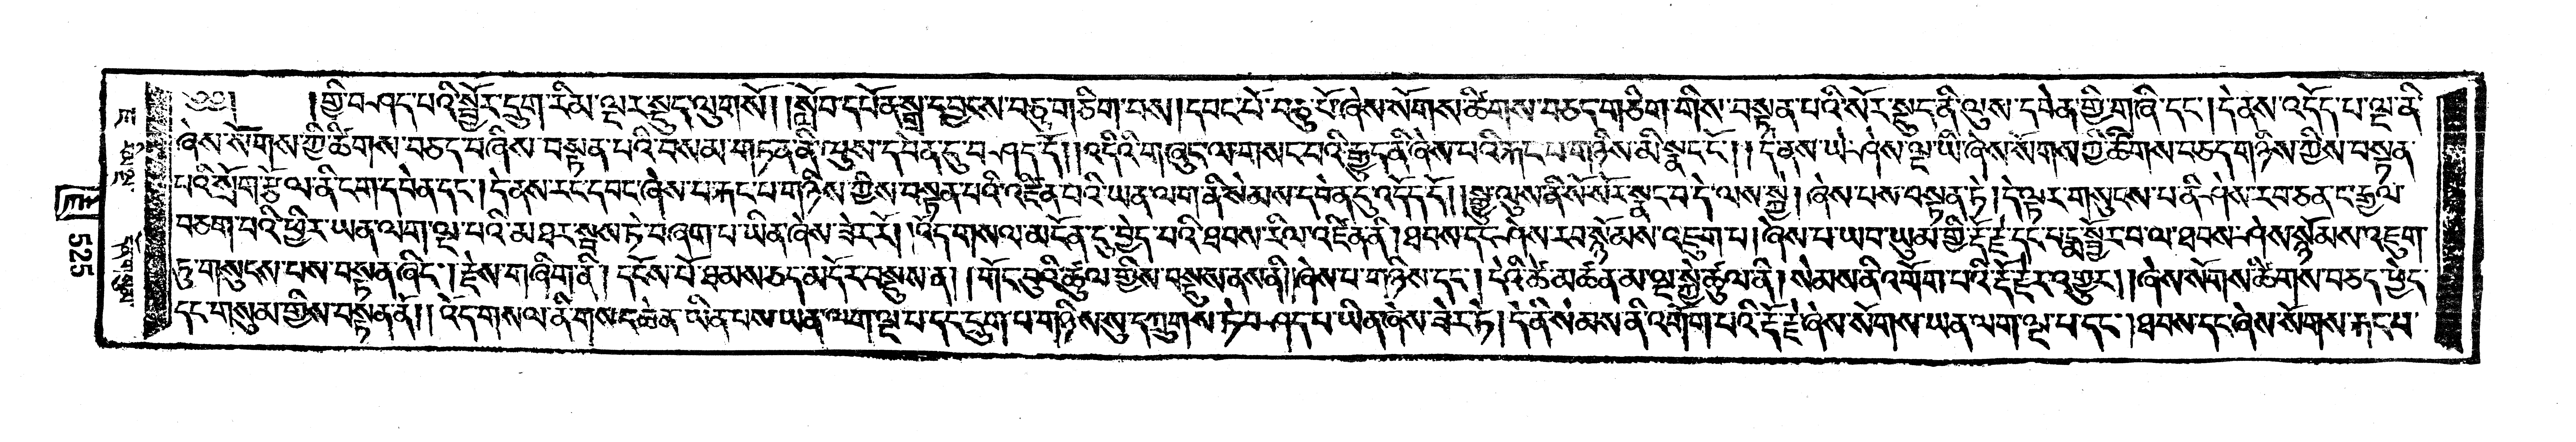༄༅། །གྱི་བཤད་པའི་སྦྱོར་དྲུག་རིམ་ལྔར་སྡུད་ལུགས་སོ། །སློབ་དཔོན་སྒྲ་དབྱངས་བཅུ་གཅིག་པས། དབང་པོ་བཅུ་པོ་ཞེས་སོགས་ཚིགས་བཅད་གཅིག་གིས་བསྟན་པའི་སོར་སྡུད་ནི་ལུས་དབེན་གྱི་གཞི་དང་། དེ་ནས་འདོད་པ་ལྔ་ནི་
ཞེས་སོགས་ཀྱི་ཚིགས་བཅད་བཞིས་བསྟན་པའི་བསམ་གཏན་ནི་ལུས་དབེན་དུ་བཤད་དོ། །འདིའི་གཞུང་ལ་གསང་བའི་རྒྱུད་ནི་ཞེས་པའི་རྐང་པ་གཉིས་མི་སྣང་ངོ། །དེ་ནས་ཡེ་ཤེས་ལྔ་ཡི་ཞེས་སོགས་ཀྱི་ཚིགས་བཅད་གཉིས་ཀྱིས་བསྟན་
པའི་སྲོག་རྩོལ་ནི་ངག་དབེན་དང་། དེ་ནས་རང་དབང་ཞེས་པ་རྐང་པ་གཉིས་ཀྱིས་བསྟན་པའི་འཛིན་པའི་ཡན་ལག་ནི་སེམས་དབེན་དུ་འདོད་དོ། །སྒྱུ་ལུས་ནི་སོ་སོར་སྣང་བ་དེ་ལས་སྐྱེ། ཞེས་པས་བསྟན་ཏེ། དེ་ལྟར་གསུངས་པ་ནི་ཤེས་རབ་ཅན་ང་རྒྱལ་
བཅག་པའི་ཕྱིར་ཡན་ལག་ལྔ་པའི་མཐར་སྦས་ཏེ་བཞག་པ་ཡིན་ཞེས་ཟེར་རོ། །འོད་གསལ་མངོན་དུ་བྱེད་པའི་ཐབས་རིལ་འཛིན་ནི། ཐབས་དང་ཤེས་རབ་སྙོམས་འཇུག་པ། ཞེས་པ་ཡབ་ཡུམ་གྱི་རྡོ་རྗེ་དང་པདམ་སྦྱོར་བ་ལ་ཐབས་ཤེས་སྙོམས་འཇུག་
ཏུ་གསུངས་པས་བསྟན་ཞིང་། རྗེས་གཞིག་ནི། དངོས་པོ་ཐམས་ཅད་མདོར་བསྡུས་ན། །གོང་བུའི་ཚུལ་གྱིས་བསྡུས་ནས་ནི། །ཞེས་པ་གཉིས་དང་། དེའི་ཚེ་མཚན་མ་ལྔ་སྐྱེ་ཚུལ་ནི། སེམས་ནི་འགོག་པའི་རྡོ་རྗེར་འགྱུར། །ཞེས་སོགས་ཚིགས་བཅད་ཕྱེད་
དང་གསུམ་གྱིས་བསྟན་ནོ། །འོད་གསལ་ནི་གསང་ཆེན་ཡིན་པས་ཡན་ལག་ལྔ་པ་དང་དྲུག་པ་གཉིས་སུ་དཀྲུགས་ཏེ་བཤད་པ་ཡིན་ཞེས་ཟེར་ཏེ། དེ་ནི་སེམས་ནི་འགོག་པའི་རྡོ་རྗེ་ཞེས་སོགས་ཡན་ལག་ལྔ་པ་དང་། ཐབས་དང་ཞེས་སོགས་རྐང་པ་